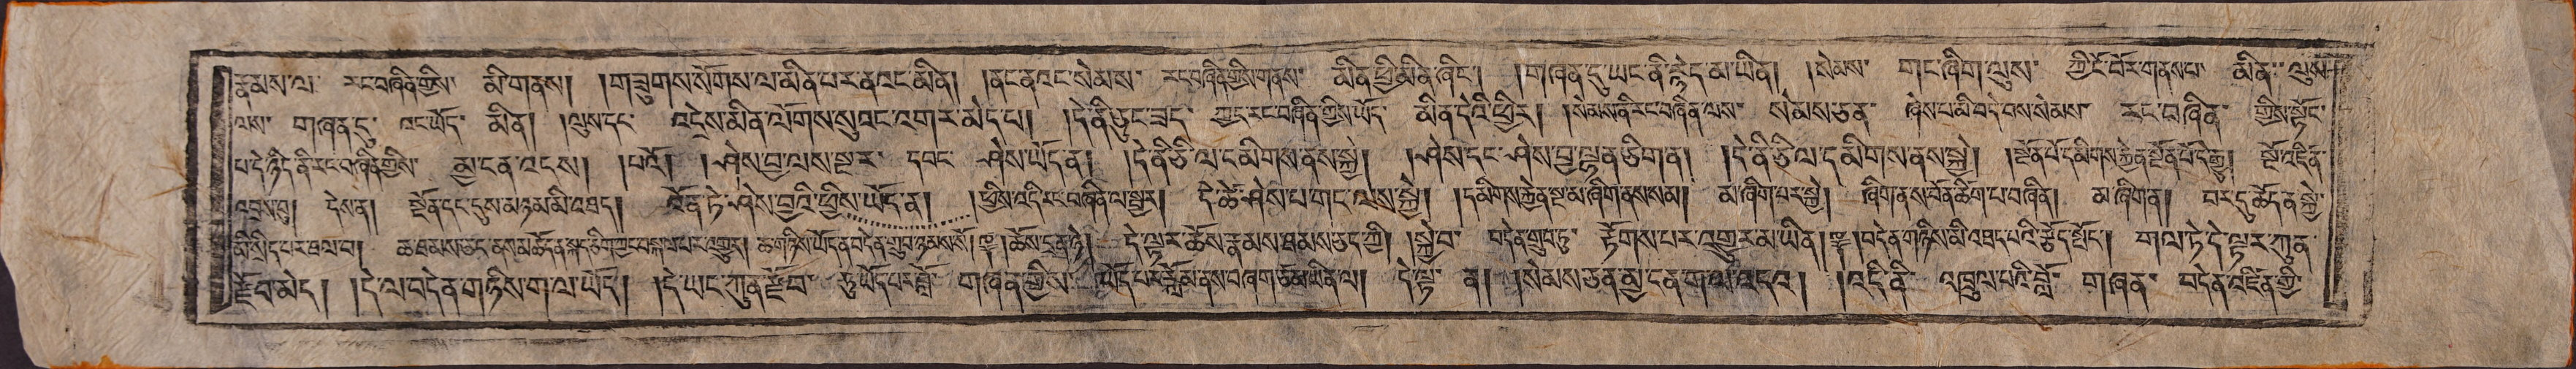རྣམས་ལ་རང་བཞིན་གྱིས་མི་གནས། །གཟུགས་སོགས་ལ་མིན་པར་ནའང་མིན། །ནང་ནའང་སེམས་རང་བཞིན་གྱིས་གནས་མིན་ཕྱི་མིན་ཞིང་། །གཞན་དུ་ཡང་ནི་རྙེད་མ་ཡིན། །སེམས་གང་ཞིག་ལུས་ཀྱི་ངོ་བོར་གནས་པ་མིན་ལུས
ལས་གཞན་དུའང་ཡོད་མིན། །ལུས་དང་འདྲེས་མིན་ལོགས་སུའང་འགར་མེད་པ། །དེ་ནི་ཅུང་ཟད་ཀྱང་རང་བཞིན་གྱིས་ཡོད་མིན་དེའི་ཕྱིར། །སེམས་ནི་རང་བཞིན་ལས་སེམས་ཅན་ཞེས་པ་མི་བདེ་བས་སེམས་རང་བཞིན་གྱིས་སྟོང་
བ་དེ་ཉིད་ནི་རང་བཞིན་གྱིས་མྱ་ངན་འདས། །པའོ།  །ཤེས་བྱ་ལས་སྔར་དབང་ཤེས་ཡོད་ན། །དེ་ནི་ཅི་ལ་དམིགས་ནས་སྐྱེ། །ཤེས་དང་ཤེས་བྱ་ལྷན་ཅིག་ན། །དེ་ནི་ཅི་ལ་དམིགས་ནས་སྐྱེ། །སྔོན་པོ་དམིགས་རྐྱེན་སྔོན་པོ་དེ་རྒྱུ། སྔོ་འཛིན་
འབྲས་བུ། དེས་ན། སྔོན་དང་དུས་མཉམ་མི་འཐད། འོན་ཏེ་ཤེས་བྱའི་ཕྱིས་ཕྱིས་འདི་རང་བཞིན་ལ་སྦྱར།  ཡོད་ན། དེ་ཚེ་ཤེས་པ་གང་ལས་སྐྱེ། །དམིགས་རྐྱེན་སྔ་མ་ཞིག་ནས་སམ། །མ་ཞིག་པར་སྐྱེ། ཞིག་ན་ས་བོན་ཚིག་པ་བཞིན། མ་ཞིག་ན། བར་དུ་ཆོད་ན་སྐྱེ་
མི་སྲིད་པར་ཐལ་བ། ཆ་ཐམས་ཅད་ནས་མཆོད་ན་སྐད་ཅིག་ཀྱང་བསྐལ་པར་འགྱུར། ཆ་གཉིས་ཡོད་ན་བདེན་གྲུབ་ཉམས་སོ། ༈ །ཆོས་དྲན་ཉེ། དེ་ལྟར་ཆོས་རྣམས་ཐམས་ཅད་ཀྱི། །སྐྱེ་བ་བདེན་གྲུབ་ཏུ་རྟོགས་པར་འགྱུར་མ་ཡིན། ༈ །བདེན་གཉིས་མི་འཐད་པའི་རྩོད་སྤོང་།  གལ་ཏེ་དེ་ལྟར་ཀུན་
རྫོབ་མེད། །དེ་ལ་བདེན་གཉིས་ག་ལ་ཡོད། །དེ་ཡང་ཀུན་རྫོབ་ཏུ་ཡོད་པར་བློ་གཞན་གྱིས་ཡོད་པར་རློམ་ནས་བཞག་ཙམ་ཡིན་ལ། དེ་ལྟ་ན། །སེམས་ཅན་མྱ་ངན་ག་ལ་འདའ། །འདི་ནི་འཁྲུལ་པའི་བློ་གཞན་བདེན་འཛིན་གྱི་